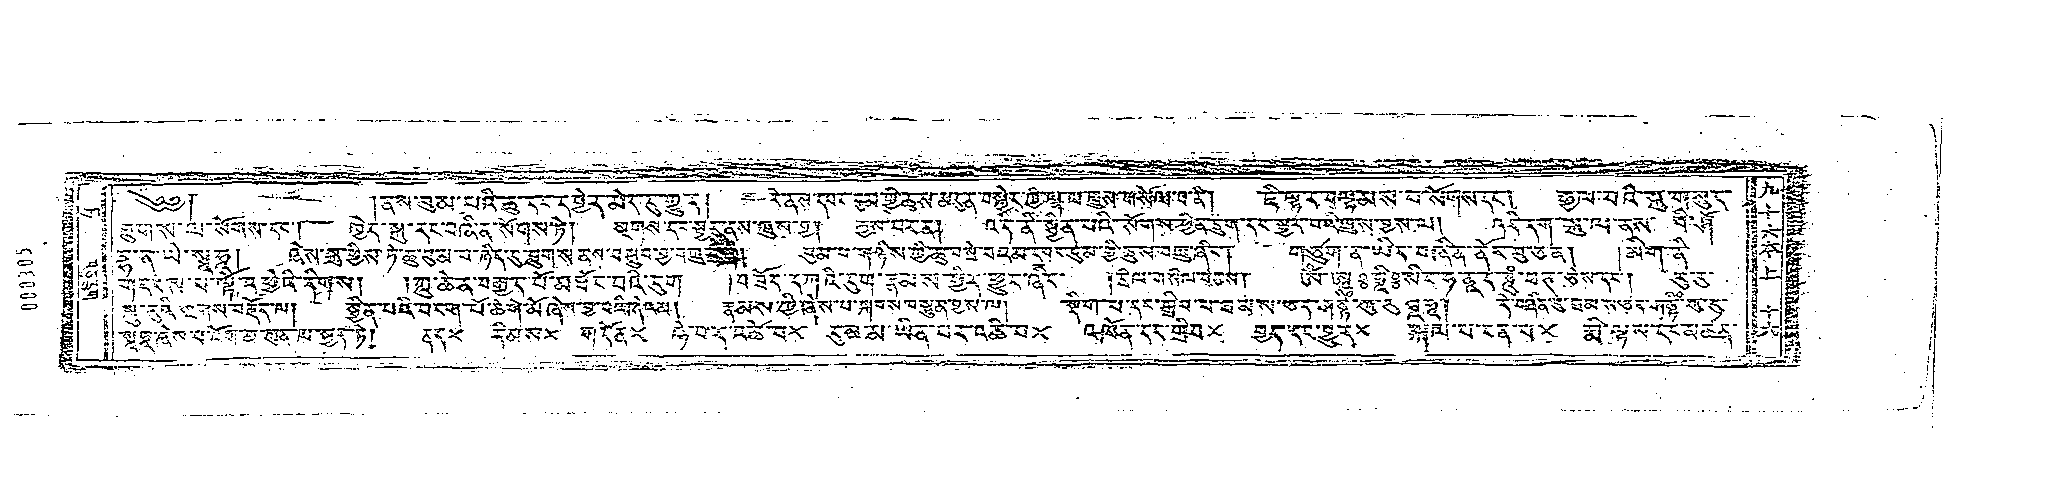༄༅། །ནས་བུམ་པའི་ཆུ་དང་དབྱེར་མེད་དུ་གྱུར། །དེ་ནས་དབང་བུམ་གྱི་ཆུས་མདུན་བསྐྱེད་ཀྱི་ལྷ་ལ་ཁྲུས་གསོལ་བ་ནི། །ཇི་ལྟར་བལྟམས་པ་སོགས་དང་། །རྒྱལ་པའི་སྐུ་གསུང་
ཐུགས་ལ་སོགས་དང་། ཁྱེད་སྐུ་རང་བཞིན་སོགས་ཏེ། །སྔགས་དང་སྦྱར་ནས་ཁྲུས་བྱ། །རྒྱས་པར་ན། །འདི་ནི་སྦྱིན་པའི་སོགས་ཕྱིན་དྲུག་དང་སྦྱར་བའི་ཁྲུས་བྱས་ལ། །འདི་དག་སྐུ་ལ་ནས་བི་ཤོ་
དྷ་ན་ཡེ་སྭཱཧཱ། ཞེས་སྐུ་ཕྱིས་ཏེ་ཆུ་བུམ་པ་ཉིད་དུ་བླུགས་ནས་བསྒྲུབ་བྱ་བཀྲུ་བ་ནི། །བུམ་པ་གཉིས་ཀྱི་ཆུ་བསྲེ་བའམ་དབང་བུམ་གྱི་ཆུས་བཀྲུ་ཞིང་། །གཙུག་ན་ཡིད་བཞིན་ནོར་བུ་ཅན། །མིག་ནི་
གདངས་པ་ལྟོ་འཕྱེའི་རིགས། །ཀླུ་ཆེན་བརྒྱད་པོ་མཐོང་བའི་དུག །བཟོད་དཀའི་དུག་རྣམས་ཕྱིར་ཕྱུང་ཞིག །དྲིལ་གསིལ་བཅས། །ཨོཾ་ཨཱཿ་ཧྲཱིཿ སིང་ཧ་ནཱ་ད་ཧཱུཾ་ཕཊ་ཅེས་དང་། རུ་རུ་
སྥུ་རུའི་སྔགས་བརྗོད་ལ། །སྦྱིན་པའི་བདག་པོ་ཆེ་གེ་མོ་ཞེས་བྱ་བའི་ཞེའམ། །རྣམས་ཀྱི་ཞེས་པ་སྐབས་བསྟུན་བྱས་ལ། །སྡིག་པ་དང་སྒྲིབ་པ་ཐམས་ཅད་ཤམྟིཾ་ཀུ་རུ་སྭཱཧཱ། །དེ་བཞིན་དུ་ཐམས་ཅད་ཤནྟིཾ་ཀུ་དུ་
སྭཱཧཱ་ཞེས་པ་འོག་མ་ཀུན་ལ་སྦྱར་ཏེ། ནད་྾་རིམས་྾་གདོན་྾་ཉེ་བར་འཚེ་བ་྾་།དུས་མ་ཡིན་པར་འཆི་བ་྾་འཁོན་དང་གྲིབ་྾་བྱད་དང་བྱུར་྾་སྐལ་པ་དན་པ་྾་རྨི་ལྟས་དང་མཚན་